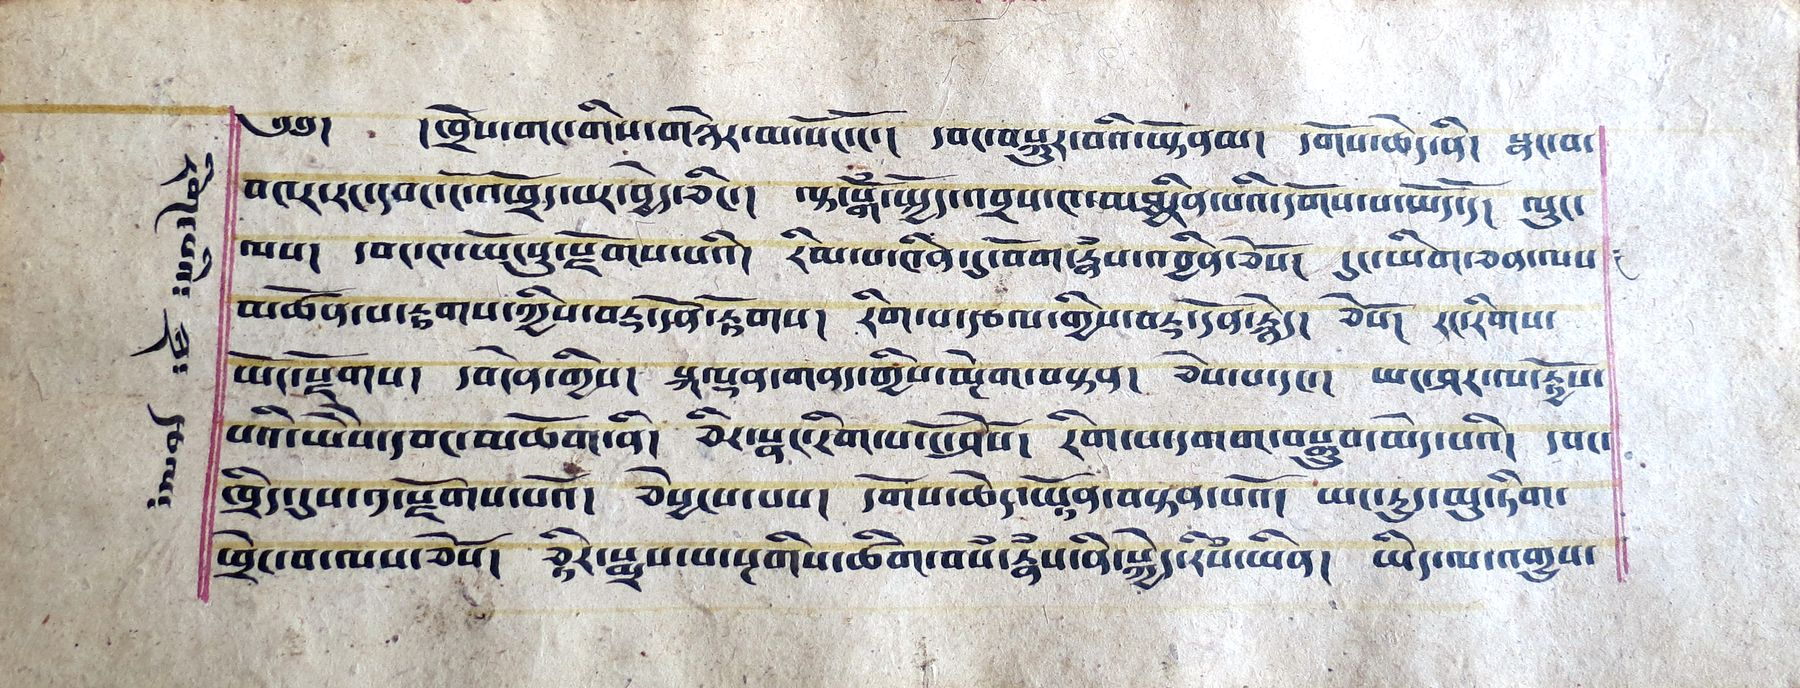ཁྲོས་གང་གིས་གཉེར་མ་སོང་ངོ་། ༼ གཞན་ནས་མི་རྙེད་ཅེས་གསུངས་སོ། དཔེ་གཞན་ལ་འདུག༽ དབང་བསྐུར་བའི་ཡོན་ཏན་ནམ་དགོས་ཆེད་ནི། སྣང་བ་
བཞི་རང་དབང་ངོ་འཕྲོད་པར་བྱེད་ཅིང་། ལྟ་སྒོམ་སྤྱོད་འབྲས་བཞི་མཐར་ཕྱིན་པའི་དགོས་པ་ཡོད་དོ། །ལུང་
ལས། དབང་བཞི་ཡོངས་སུ་རྫོགས་པ་ཡི། རིམ་པ་བཞིན་དུ་བོགས་རྣམས་འབྱིན། ཞེས་སོ། །དུང་ཡིག་ཅན་ལས། 
མཚོན་པ་རྟགས་ཀྱིས་བརྡ་དོན་རྟོགས། རིག་པ་རྩལ་གྱིས་བརྡ་དོན་རྙེད། ཅེས་སོ། །རང་རིགས་
ཡོངས་རྫོགས། དབང་ཆེན་གྱིས། སྐལ་ལྡན་གནད་ཀྱིས་མན་ངག་བསྟན། ཅེས་པ་དང་། ཡང་ཤར་ལ་རྟོག་
པའི་ཡེ་ཤེས་དབང་མཆོག་ནི། ཅིར་སྣང་རིག་པ་ངོ་ཤེས། རིག་པ་དགག་སྒྲུབ་མེད་པ་ཡི། དབང་
ཁྲིད་དུས་ཅིག་རྫོགས་པའོ། །ཅེས་གསུངས་པས། དགོས་ཆེད་ཡོན་ཏན་བསྟན་པའོ། །ཡང་རྒྱུད་མུ་ཏིག་
ཕྲེང་བ་ལས། ཞེས་སོ། །ཅི་ལྟར་སྨྲས་པ་སྔགས་ཀྱི་ཚིག་བསམ་རྣམས་ནི་བསྐྱེད་རིམ་ཡིན། ཡིད་ལ་འགྱུས་